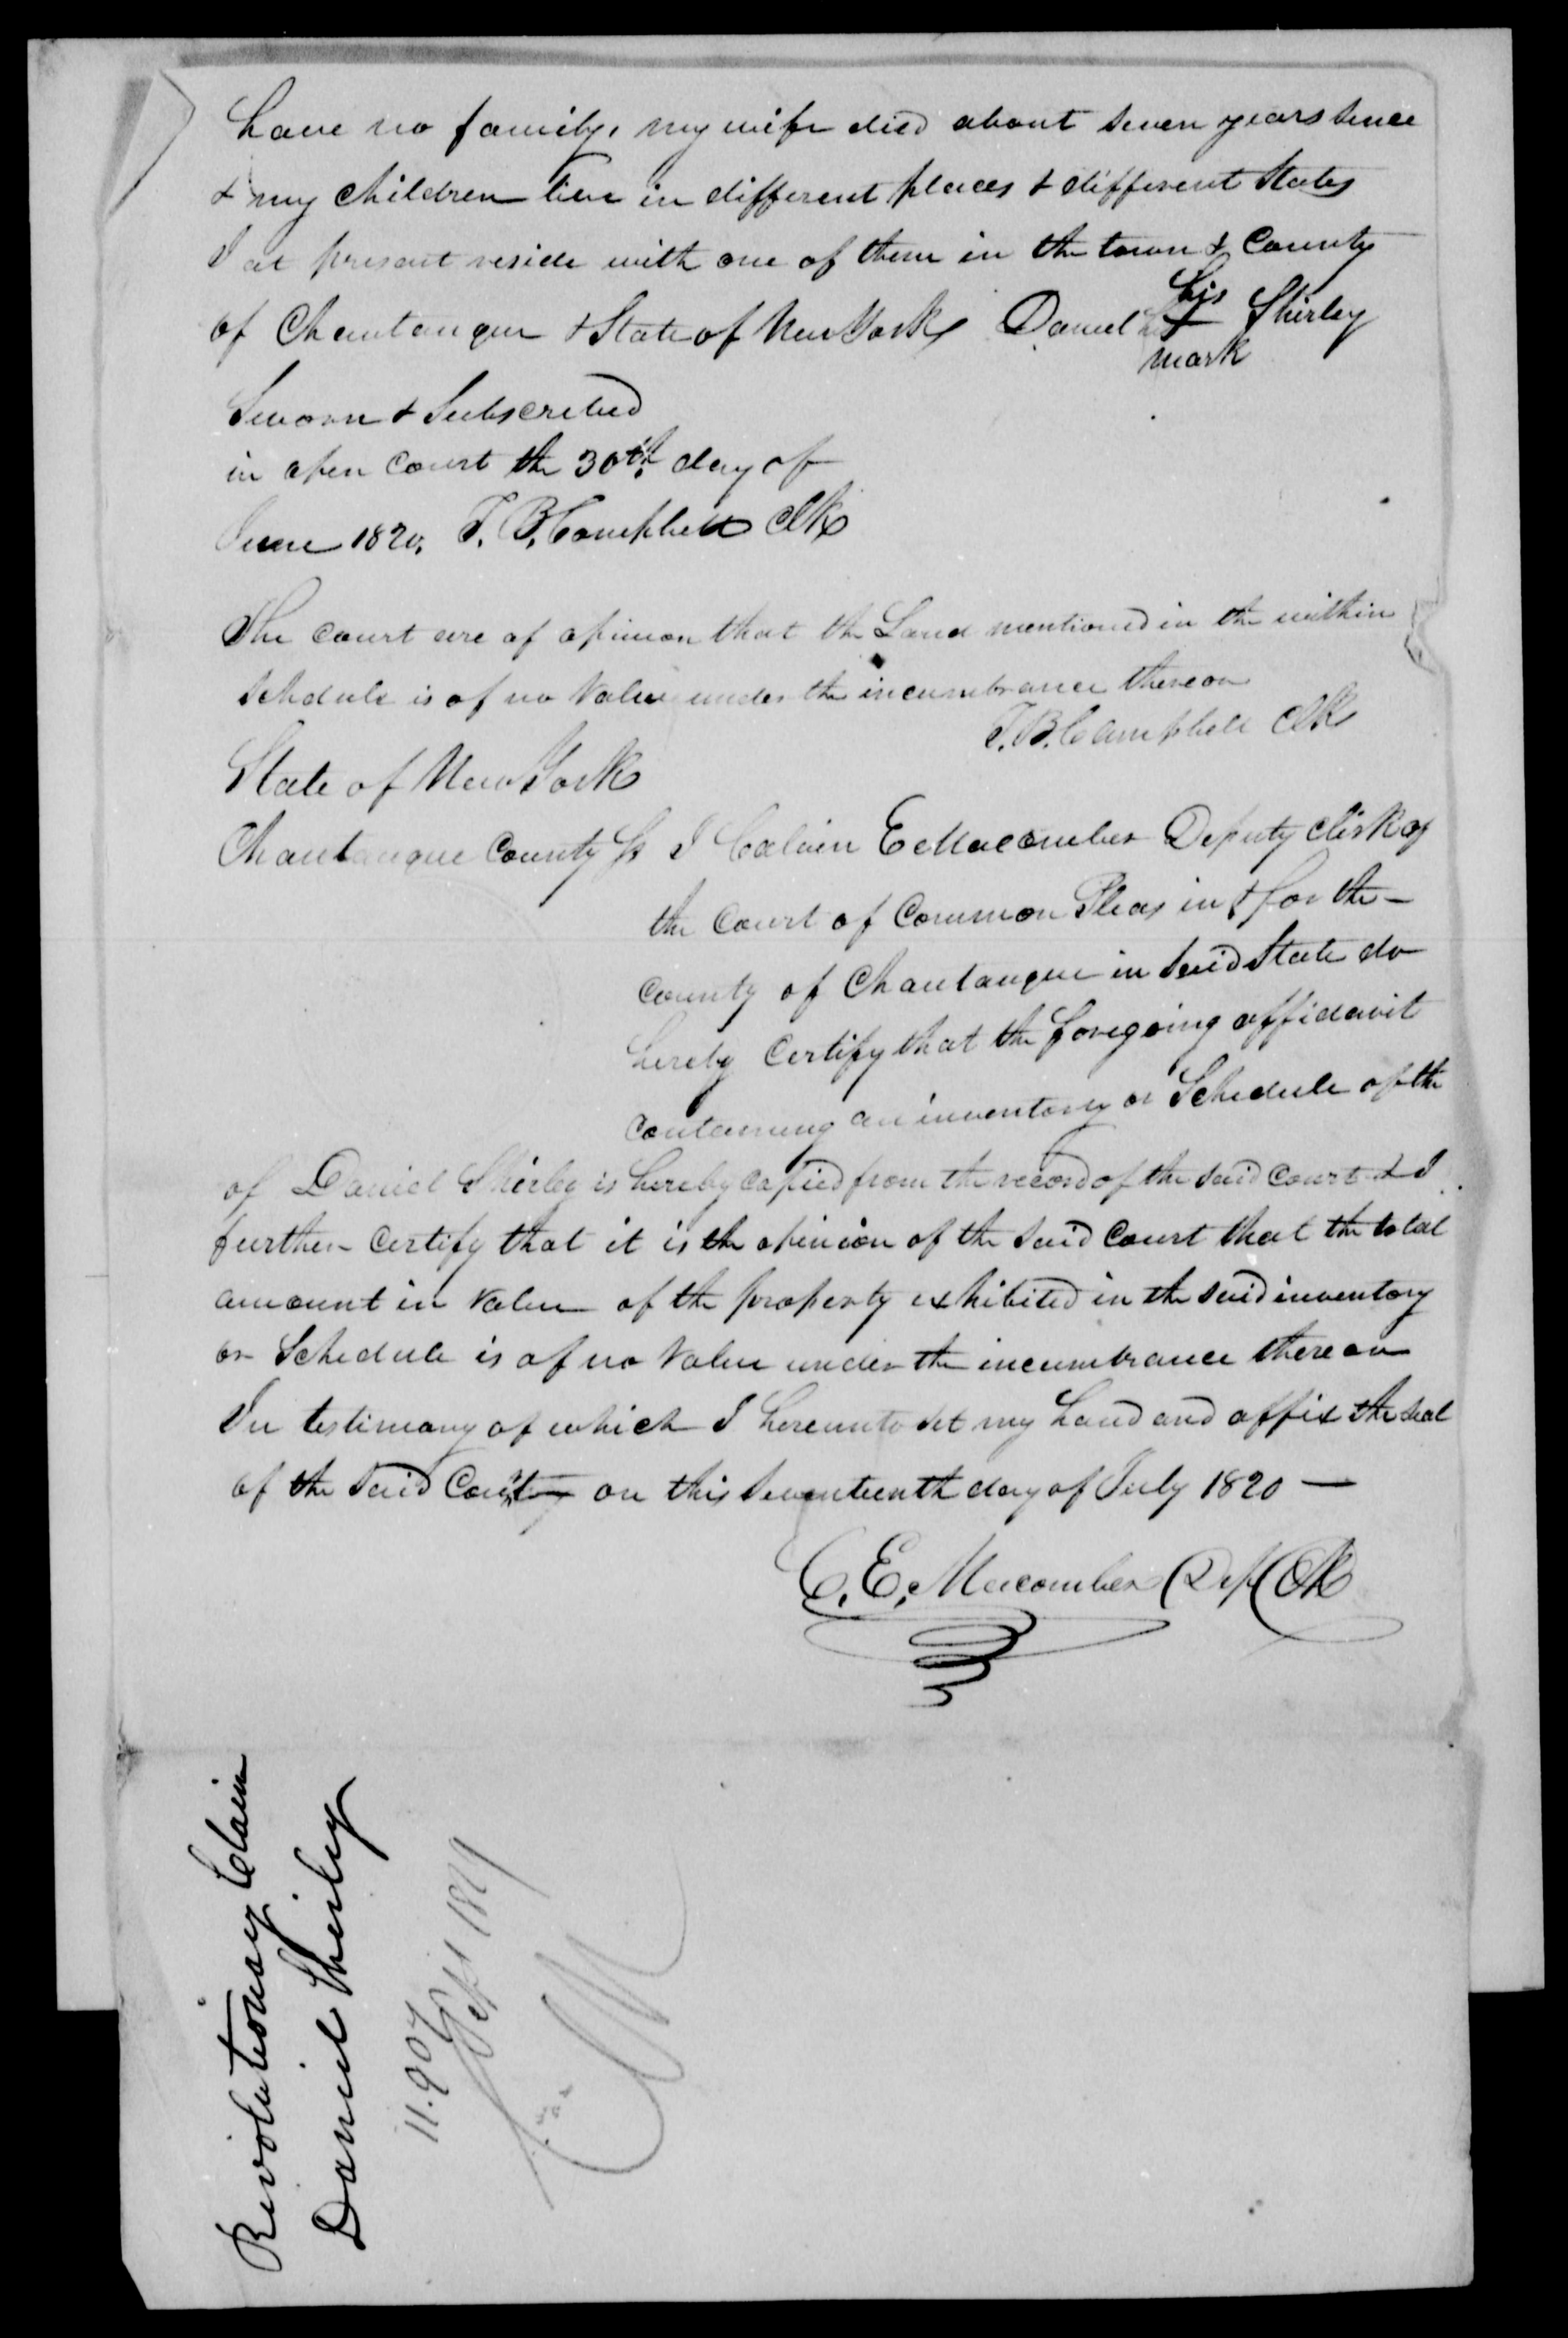have no family, my wife died about seven years since & my children live in different places & different States   I at present reside with one of them in the town & County of Chautauqua & State of New York.
Daniel  his x mark  Shirley

Sworn & Subscribed in open Court the 30th day of June 1820.
T.B. Campbell  Clk.

The court are of opinion that the Lane mentioned in the within Schedule is of no Value under the incumbrance thereon
T.B. Campbell  Clk.

State of New York
Chautauqua County  fs.

I Calvin E Macomber Deputy Clerk of the Court of Common Pleas in & for the County of Chautauqua in Said State do hereby certify that the foregoing affidavit containing an inventory or Schedule of the of Daniel Shirley is hereby copied from the record of the said Court & I further certify that it is the opinion of the Said Court that the total amount in Value of the property exhibited in the said inventory or Schedule is of no Value under the incumbrance thereon

In testimony of which I hereunto set my hand and affix the Seal of the Said Court on this Seventeenth day of July 1820--
C.E. Macomber  Dep Clk

[illegible seal affixed to the left of the above 2 paragraphs]

[written vertically on left edge of page]

Revolutionary Claim
Daniel Shirley
11.907
Sept 1819
Con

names: T B Campbell; T B Campbell; Daniel Shirley; Daniel Shirley; Daniel Shirley; C E Macomber; Calvin E Macomber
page: 4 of 20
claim: survivor's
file: S. 40412, for Daniel Shirley, New Hampshire